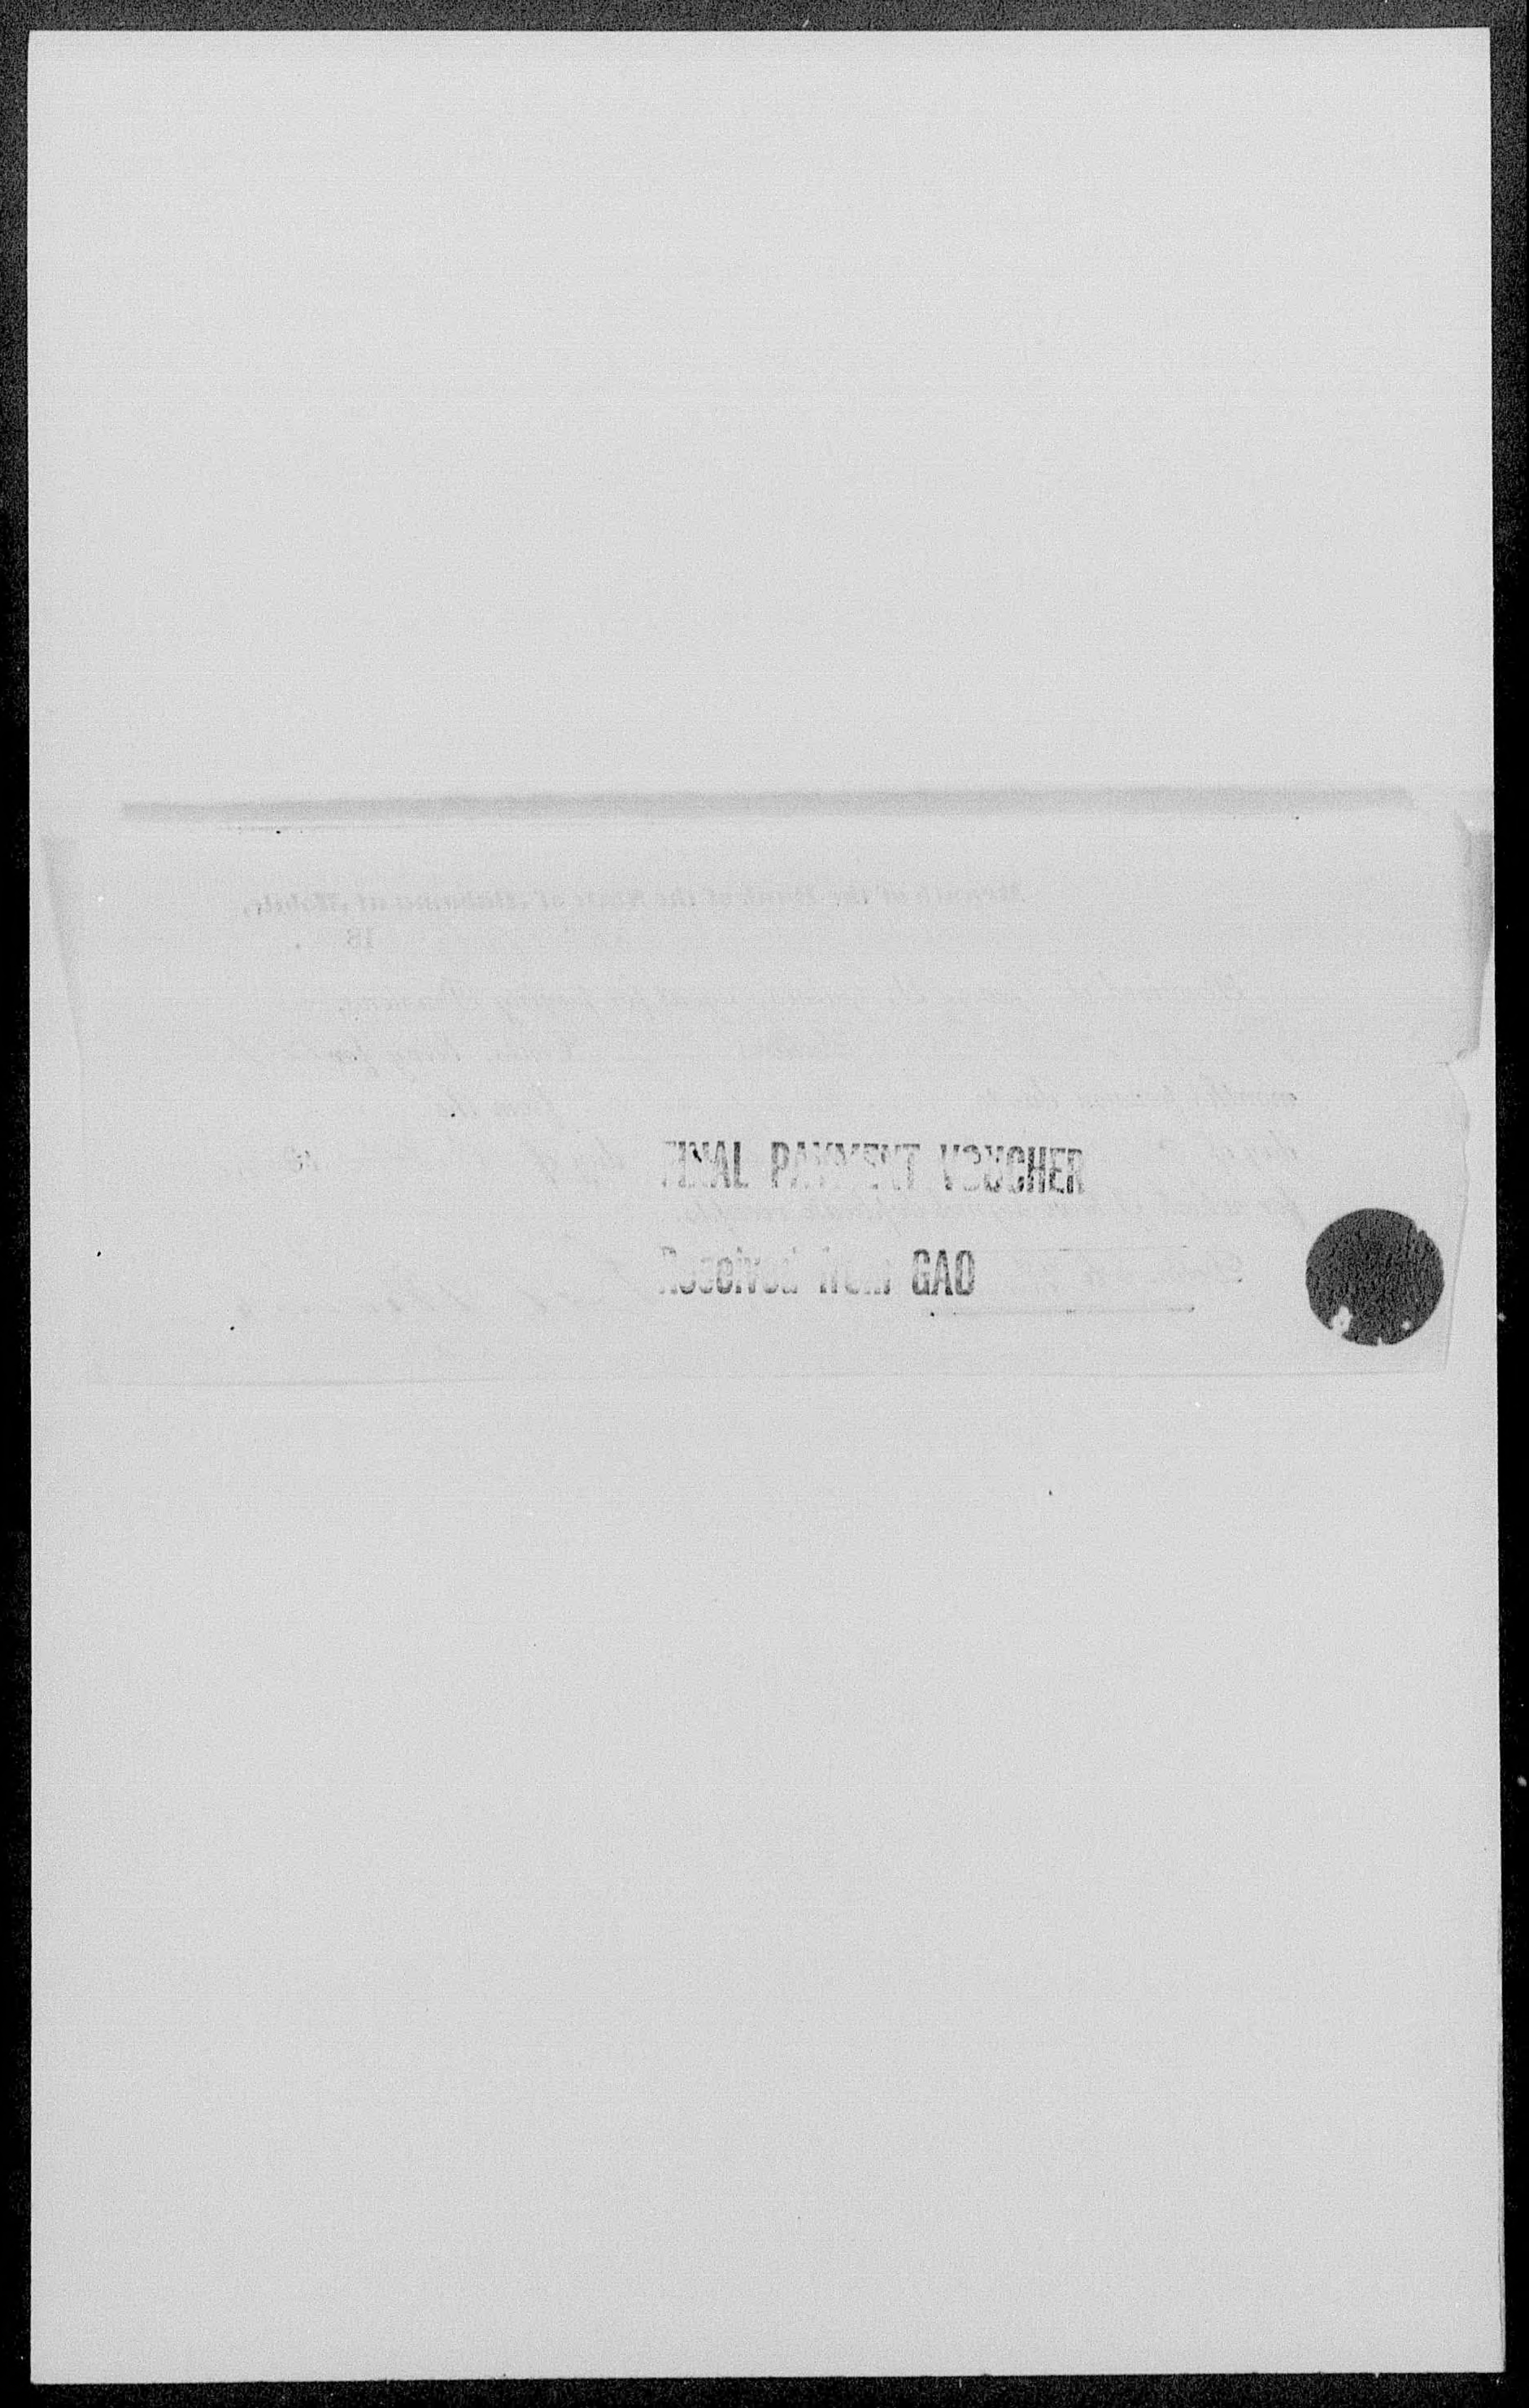Final Payment Voucher
Received from GAO


                        [Red circle in bottom right corner]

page: 16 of 35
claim: survivor's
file: S. 32092, Asa Alexander, Ga.